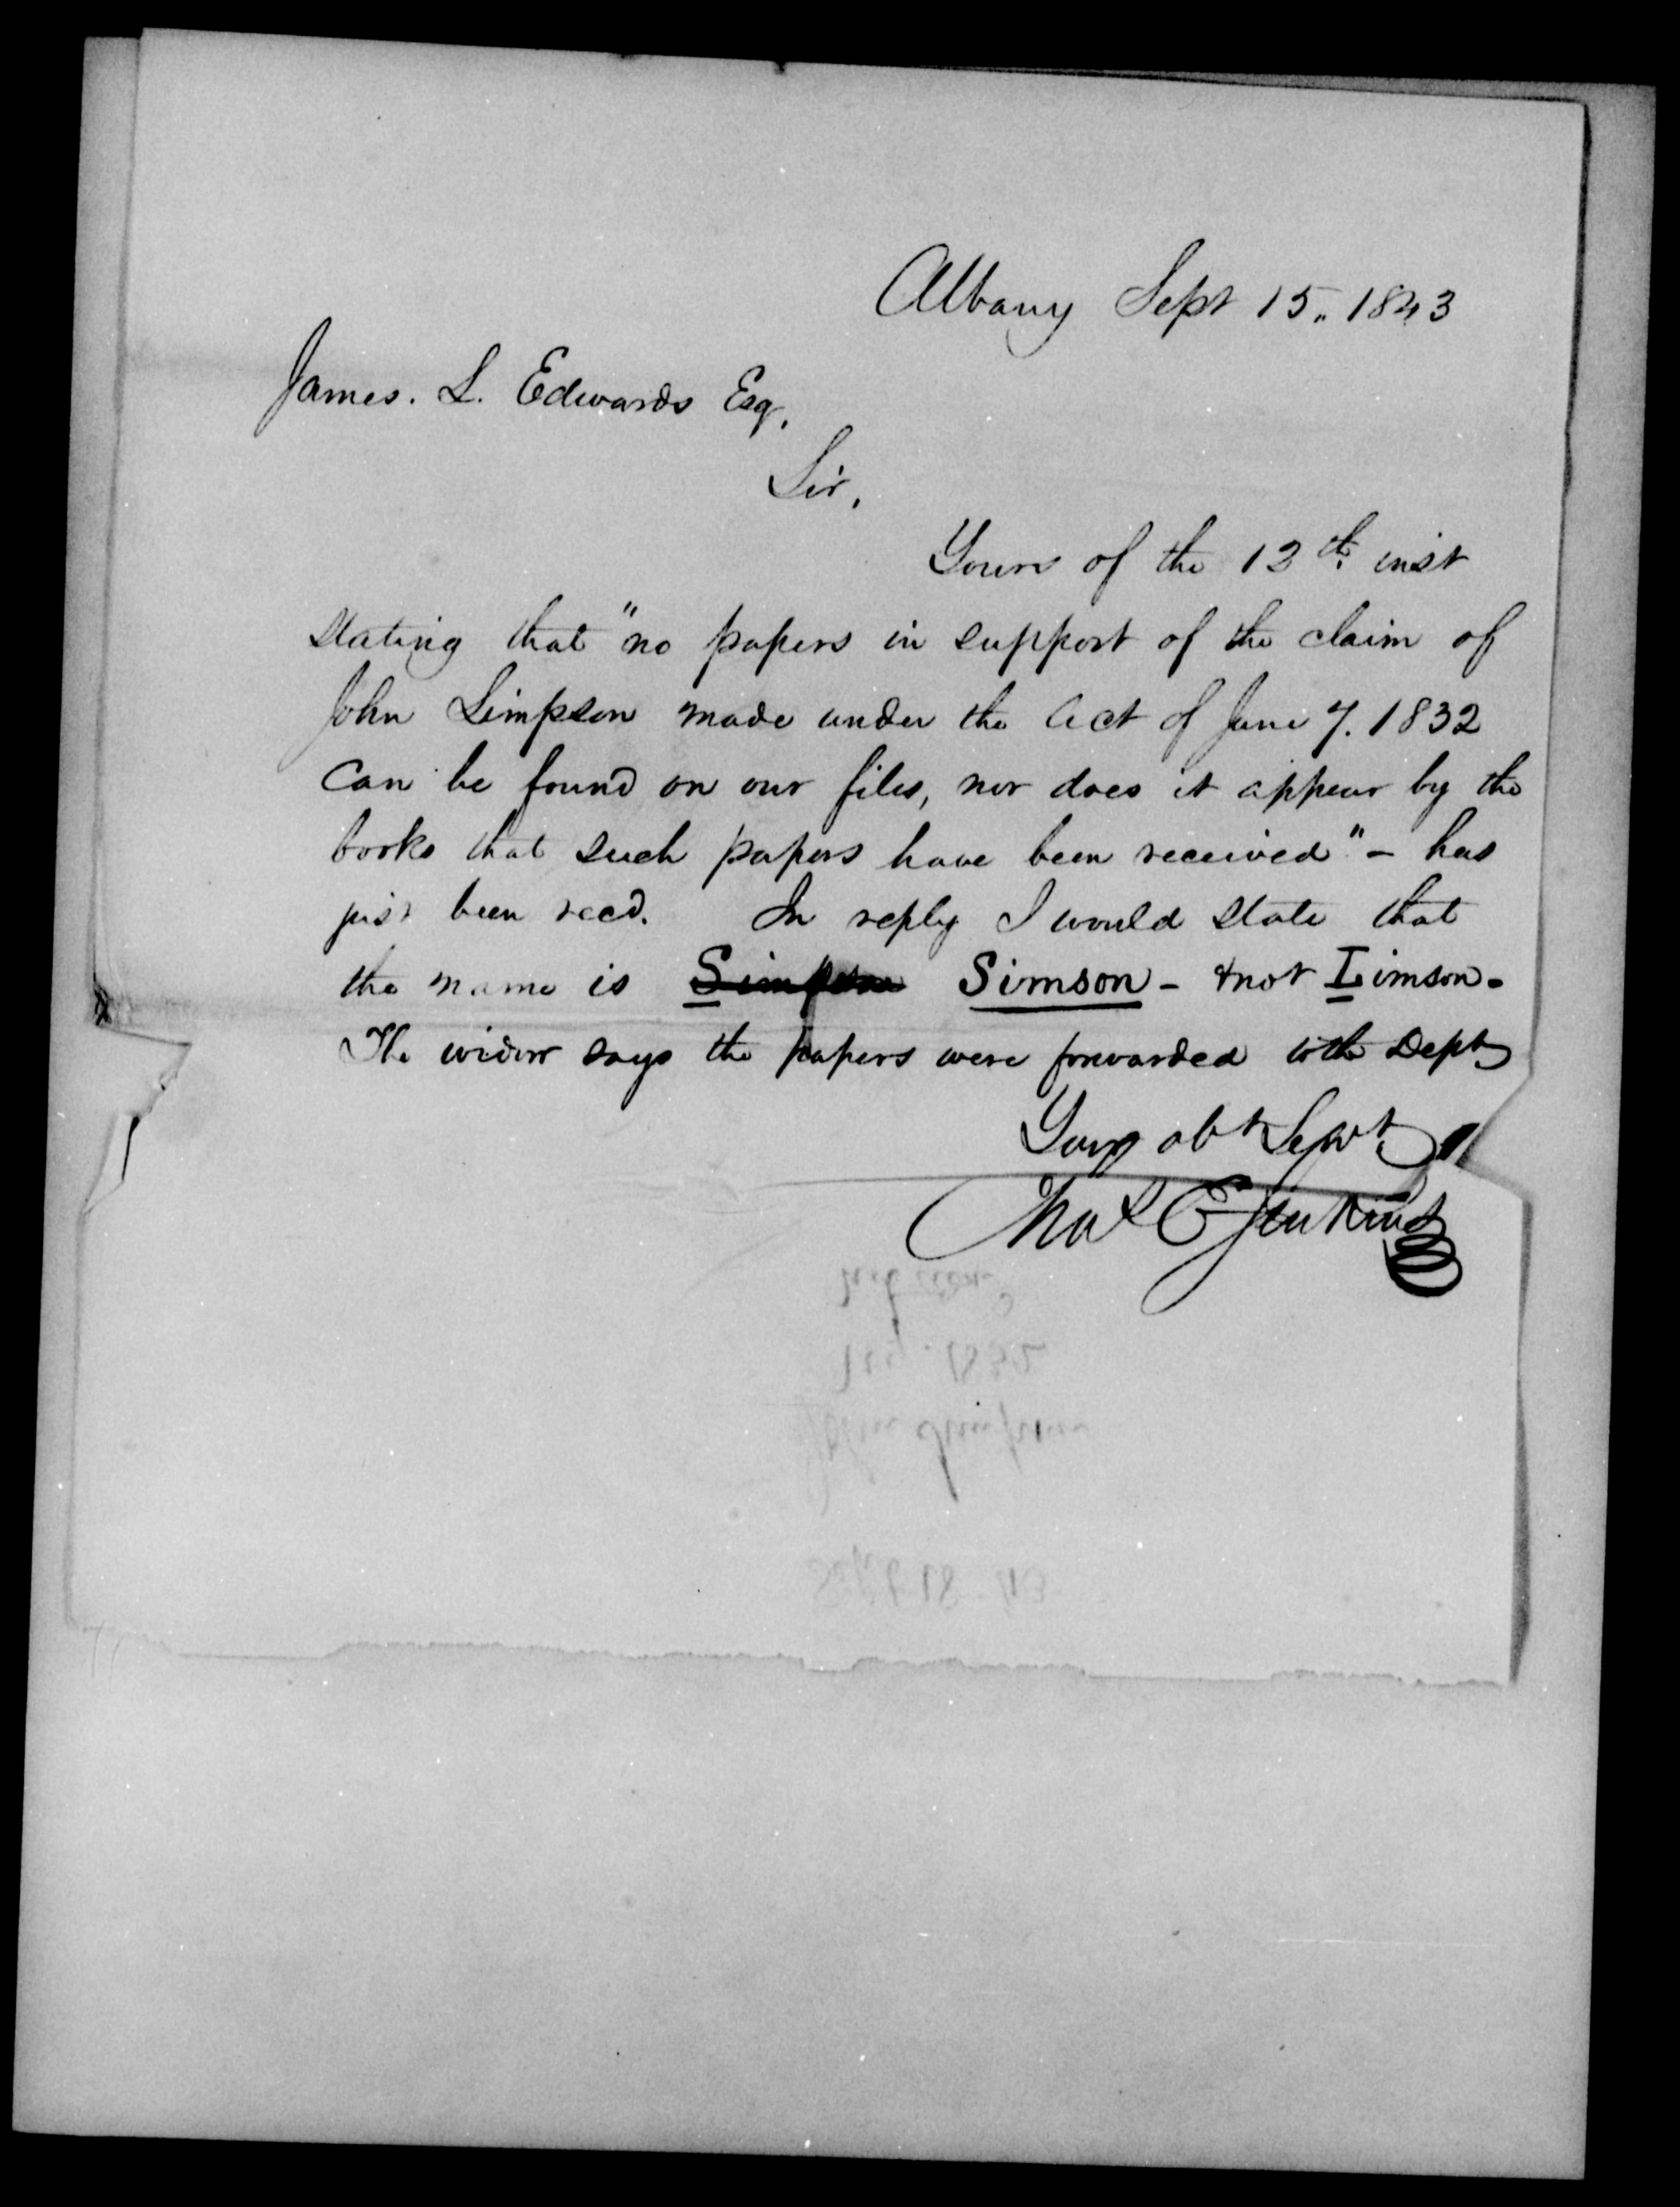Albany Sept 15, 1843
James L. Edwards Esq
Sir
Yours of the 12th inst stating that "no papers in  support of the claim of John Simpson made under the Act of June 7. 1832
can be found on our files, nor does it appear by the books that such papers have been received, has just been recd.  In reply I would state that the name is Simson, & not Limson
The widow says the papers were forwarded to the Dept
Your obt svt
Chas E Jenkins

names: [BLANK] Limson; John Simpson; Chas E Jenkins; James L Edwards; [BLANK] Simson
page: 24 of 35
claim: rejected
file: R. 9601, for John Simson, New Jersey